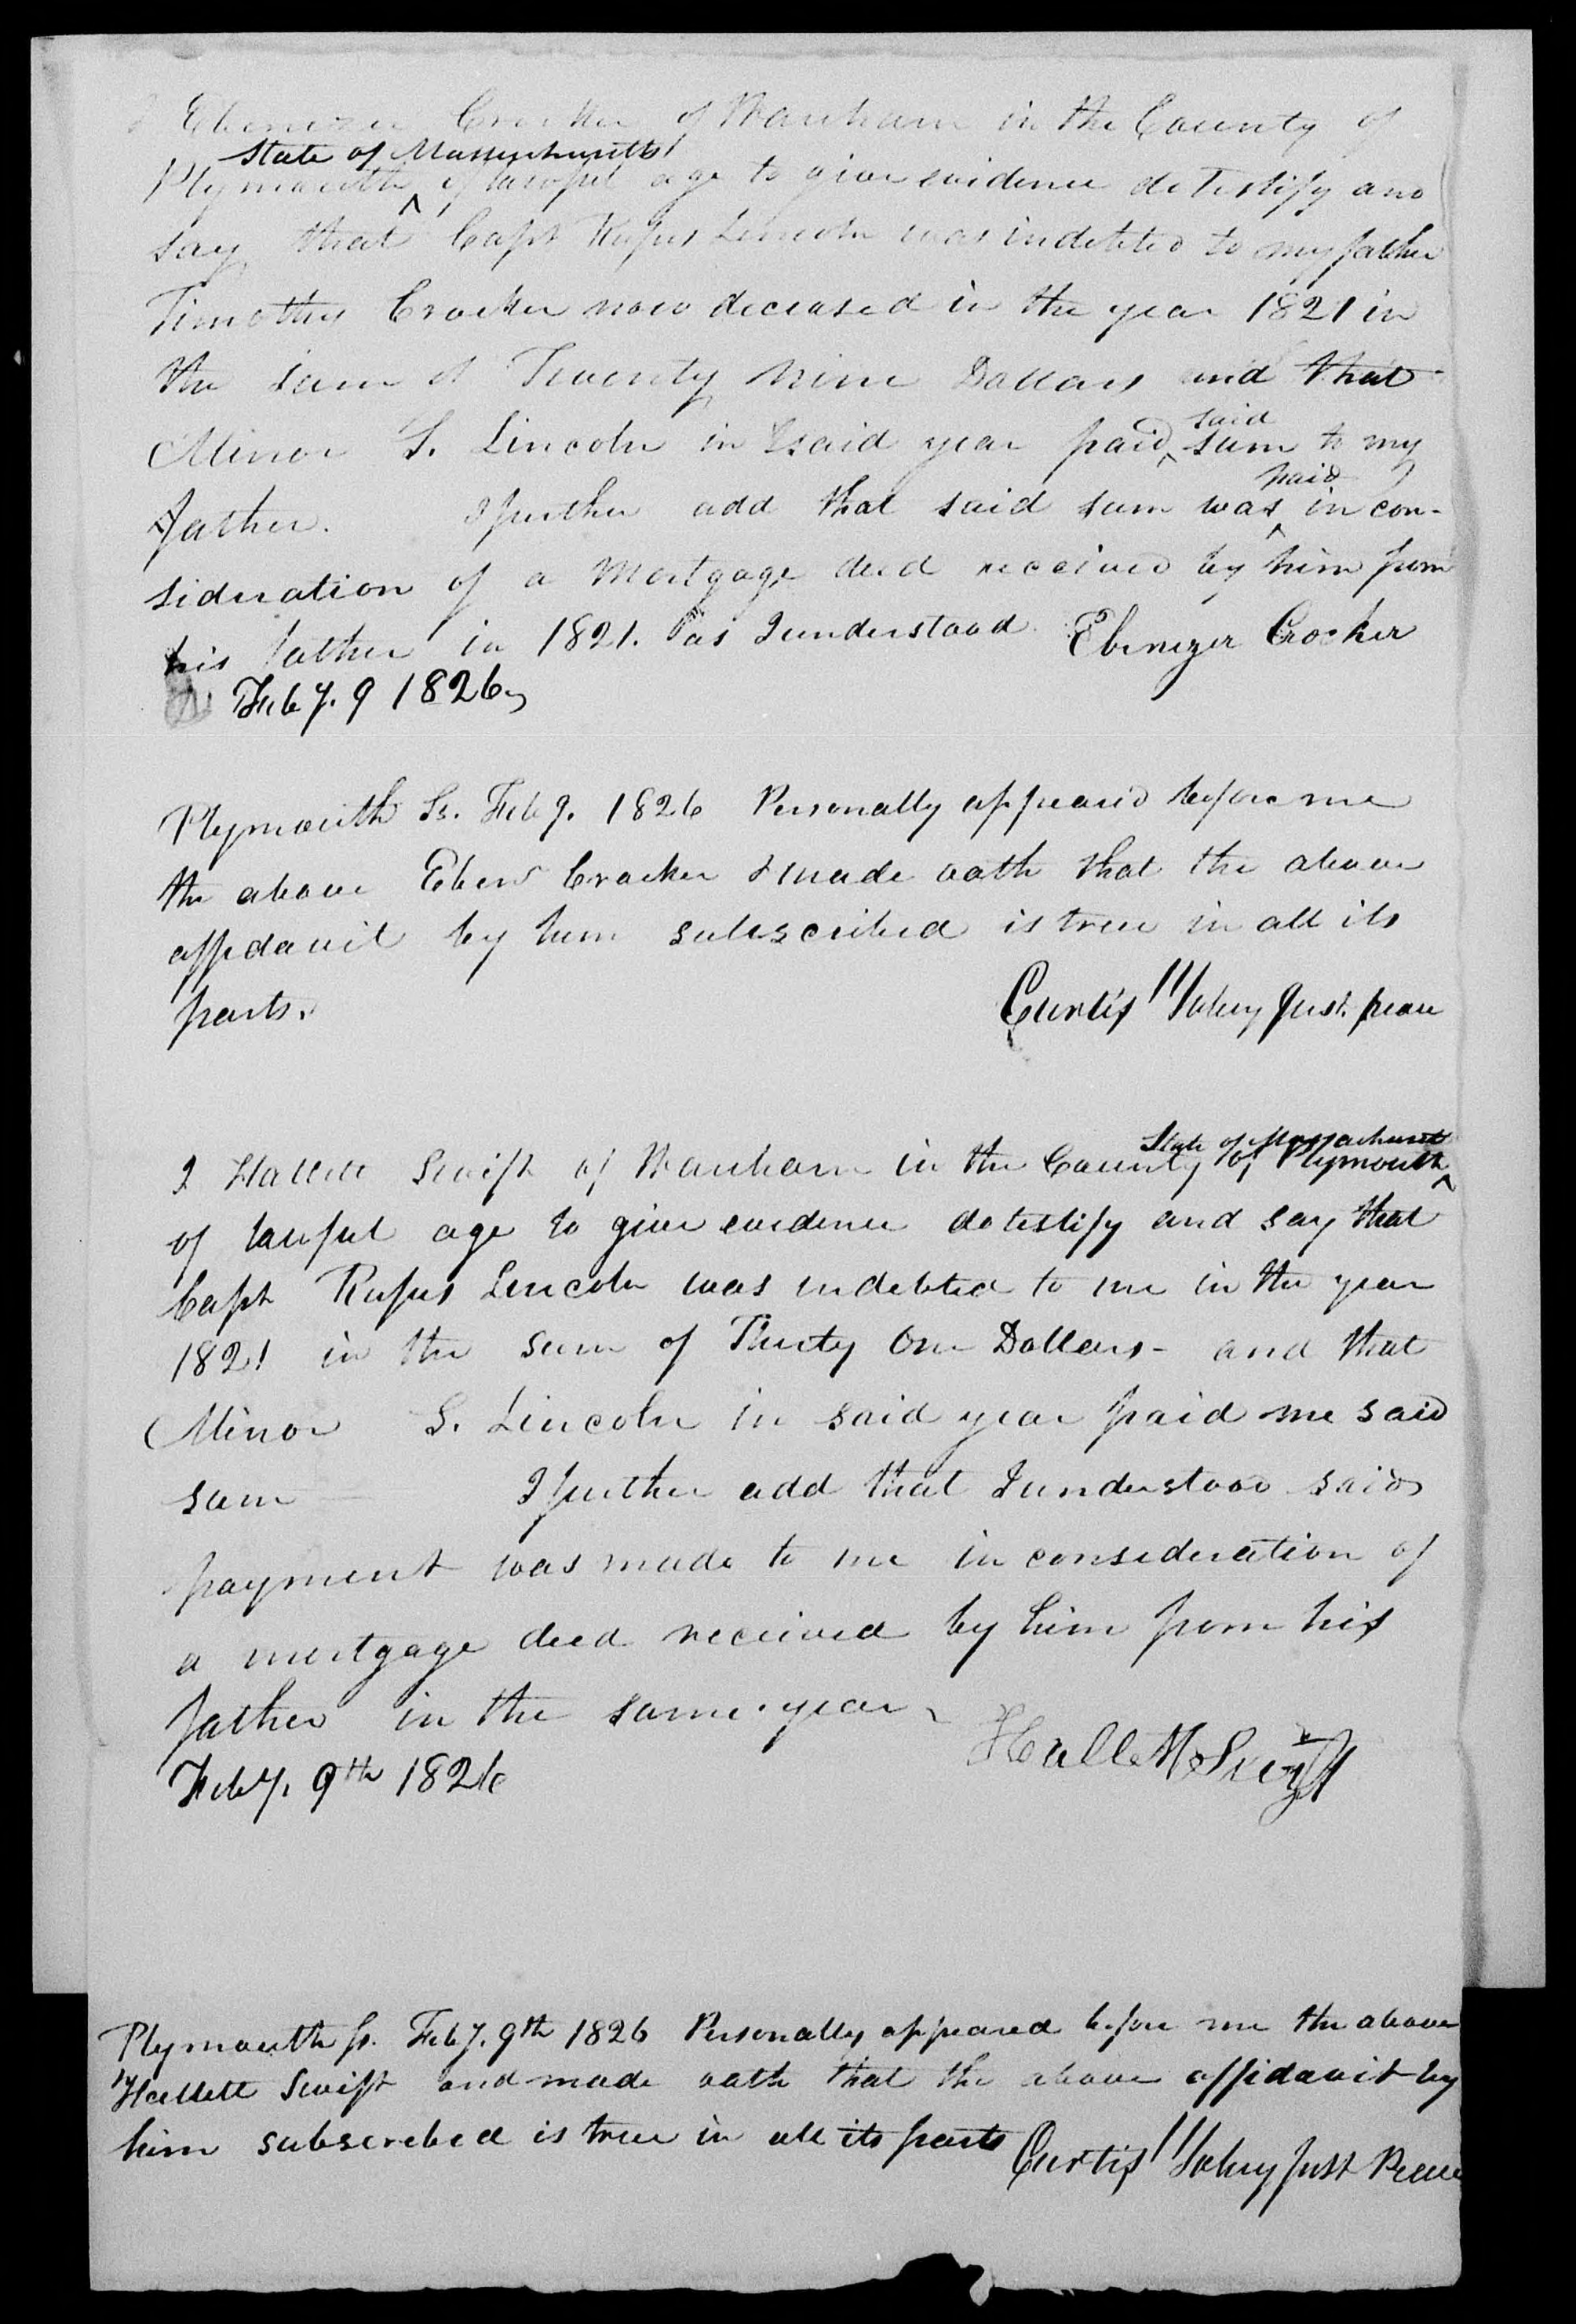Ebenezer Crocker of Wareham in the County of               
Plymouth  State of Massachusetts of lawful age to give evidence do testify and say that Capt Rufus Lincoln was indebted to my father
Timothy Crocker now deceased in the year 1821 in the sum of Twenty nine Dollars and that Minor S. Lincoln in said year paid said  sum to my father. I further add that said sum was paid in consideration of a Mortgage deed received by him from his father in 1821 as I understand.
Feby 9 1826     Ebenezer Crocker
     Plymouth Ss. Feb 9. 1826 Personally appeared before me he above Eben'r Crocker & made oath that the above affidavit by him subscribed is true in all its parts.
Curtis Tobey Just peace

I Hallett Swift of Wareham in the County of Plymouth in the State of Massachusetts
of lawful age to give evidence do testify and say that Capt Rufus Lincoln was indebted to me in the year 1821 in the sum of Thirty one Dollars and that Minor S. Lincoln in said year paid me said sum- I further add that I understood said payment was made to me in consideration of a mortgage deed received by him from his father in the same year
Feby 9, 1826       Hallett Swift

Plymouth ss Feby 9th 1826 Personally appeared before me the above Hallett Swift and made oath that the above affidavit by
him subscribed is true in all its parts.
 Curtis Tobey  Just Peace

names: Hallett Swift; Rufus Lincoln; Timothy Crocker; Ebenezer Crocker; Minor S Lincoln; Curtis Tobey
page: 52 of 82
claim: widow's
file: W. 13,634, for Rufus Lincoln, Massachusetts